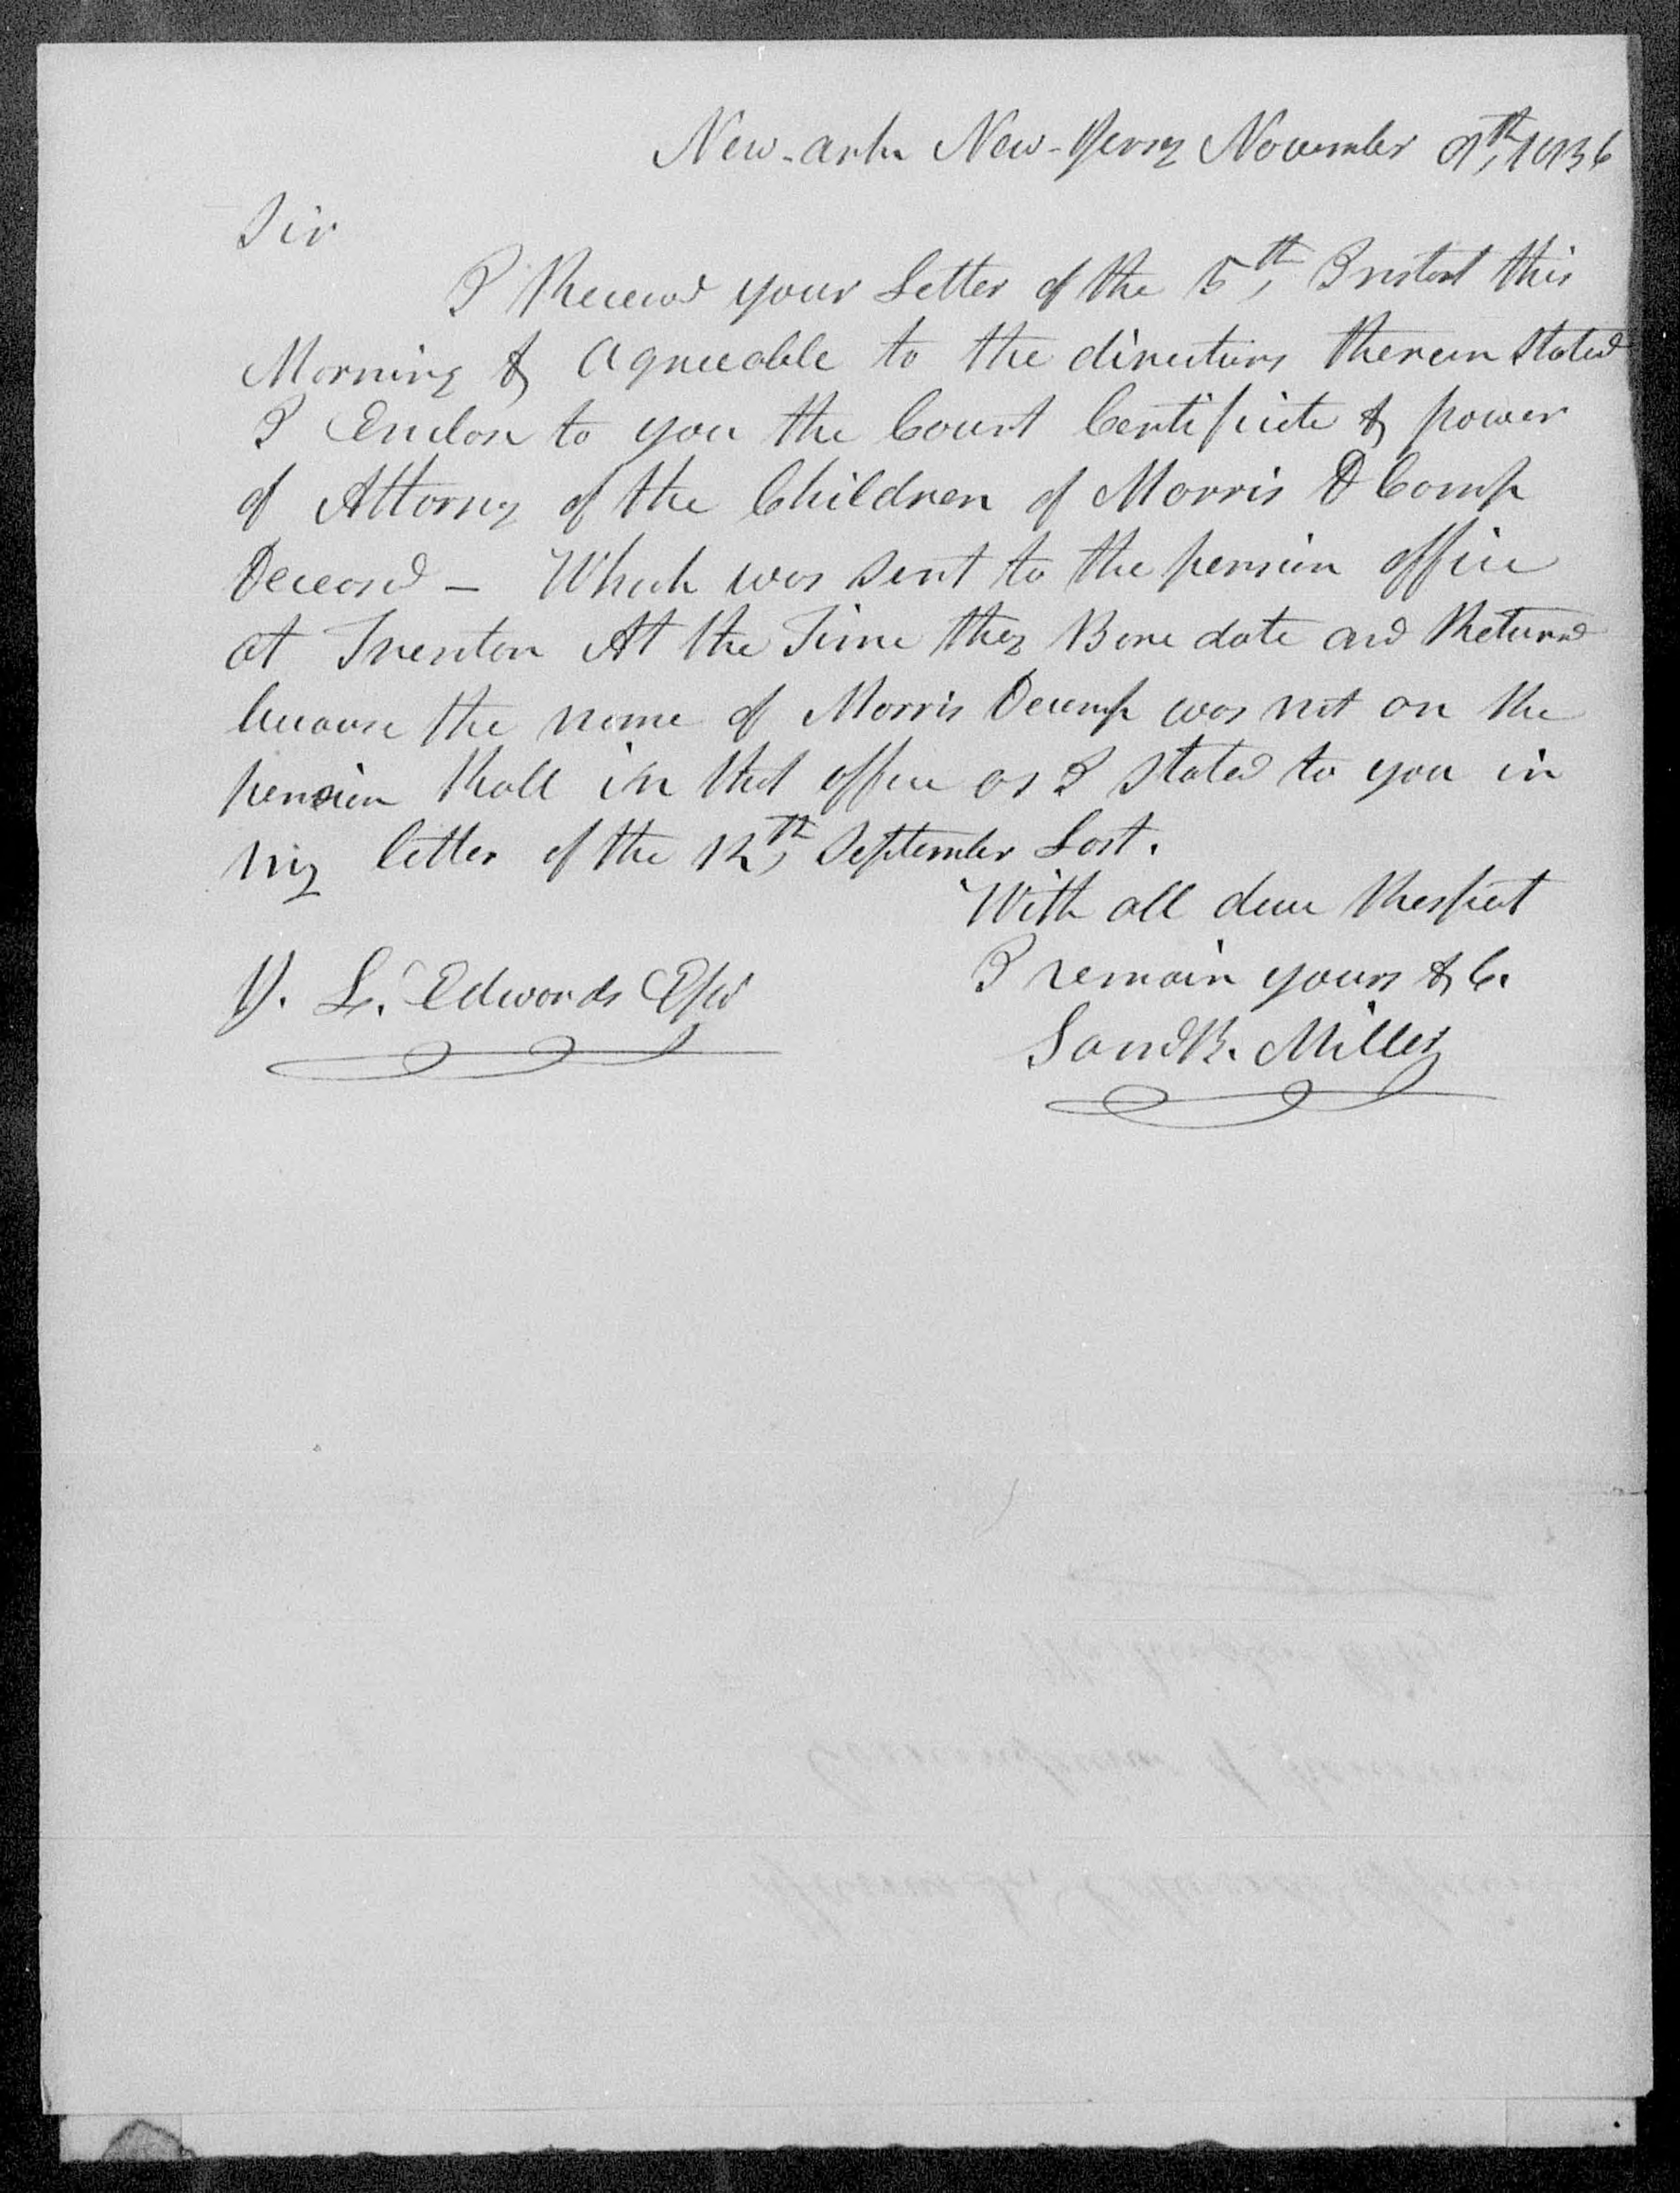Newark New Jersey November 9th 1836

Sir

I Received your Letter of the 5th Instant this
Morning & agreeable to the directions therein stated I enclose to you the Court certificate & power of Attorney of the Children of Morris D Camp Deceased- which was sent to the pension office at Trenton at the time they bore date and Returned because the name of Morris Decamp was not on the pension roll in that office as I stated to you in my letter of the 12th September Last.

With all due respect
I remain yours &c.
Sam B. Miller

J.L. Edwards Esq.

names: Saml B Miller, Morris D Camp, Morris D Camp, J L Edwards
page: 27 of 52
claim: survivor's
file: S. 34172, Morris D Camp, Continental (New Jersey)